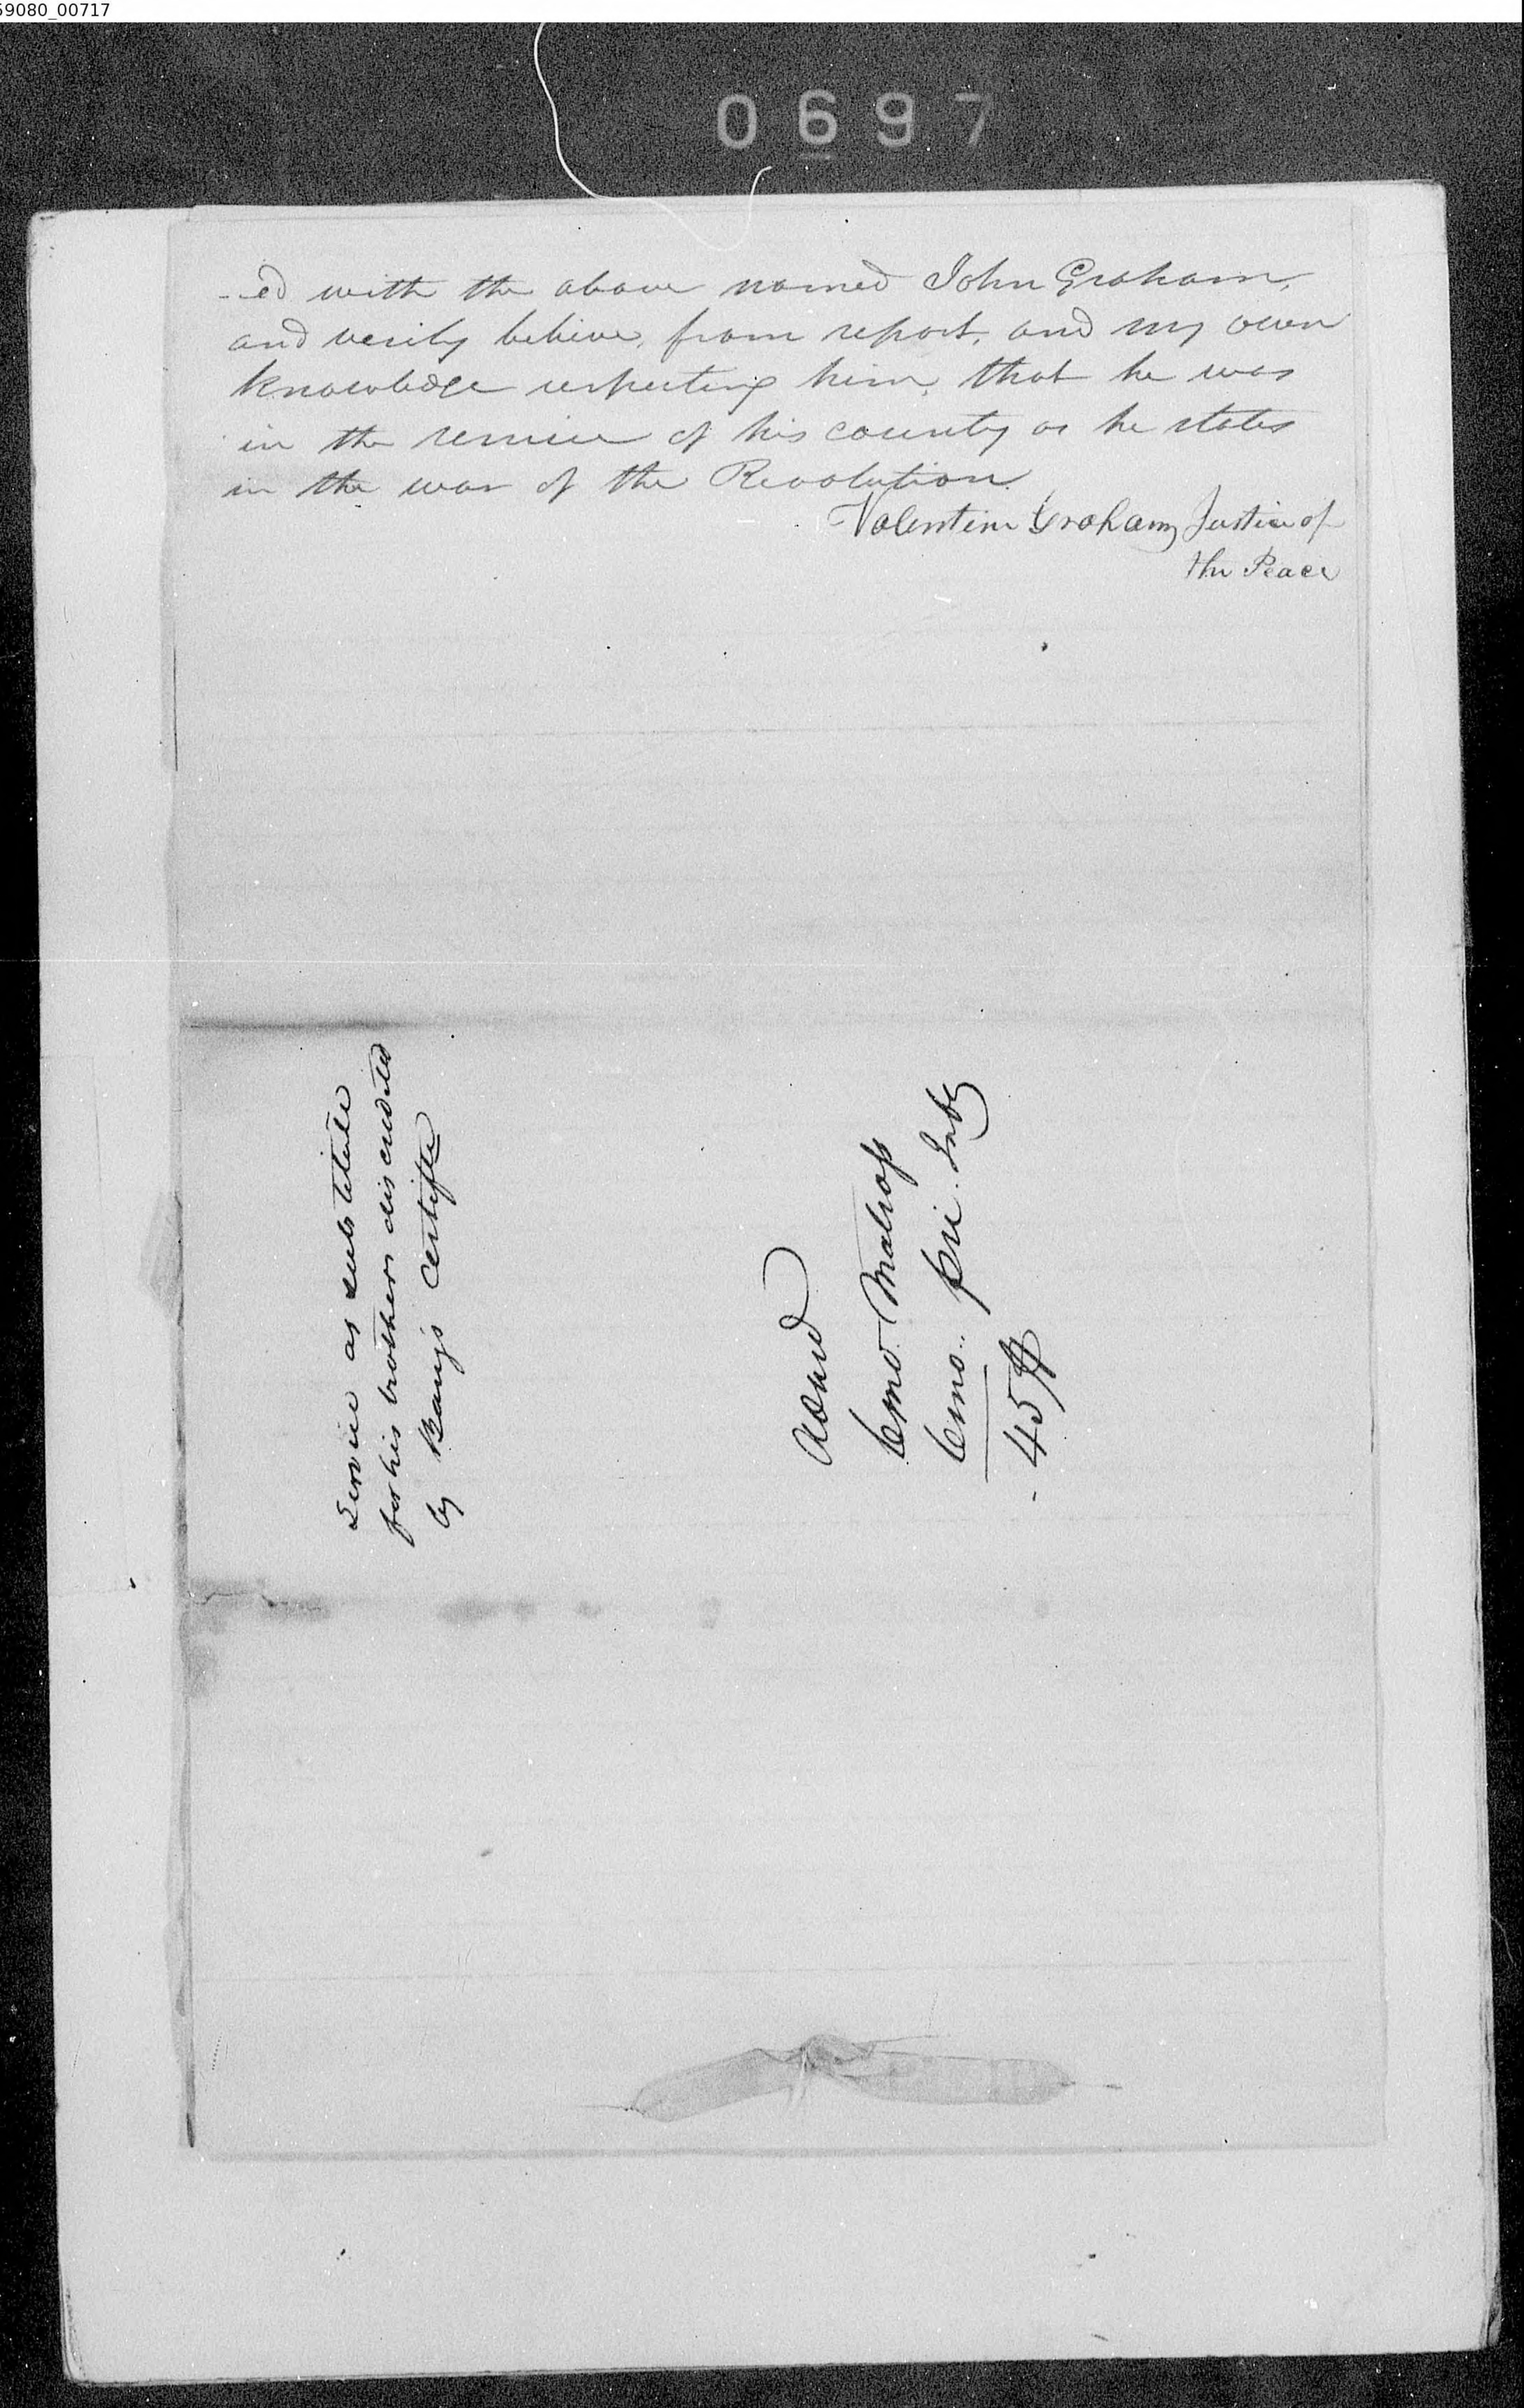0697
-ed with the above named John Graham, and verily believe from report, and my own knowledge reputing him, that he was in the service of his county as he states in the war of the Revolution. 
Valentine Graham Justice of the Peace

service or substitute for his brother discredited by Barry's certificate

aomd
6 mo. Matross
6 mo. pri. Indg
45$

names: John Graham, Valentine Graham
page: 19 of 28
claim: survivor's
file: S. 22799, John Graham, Mass